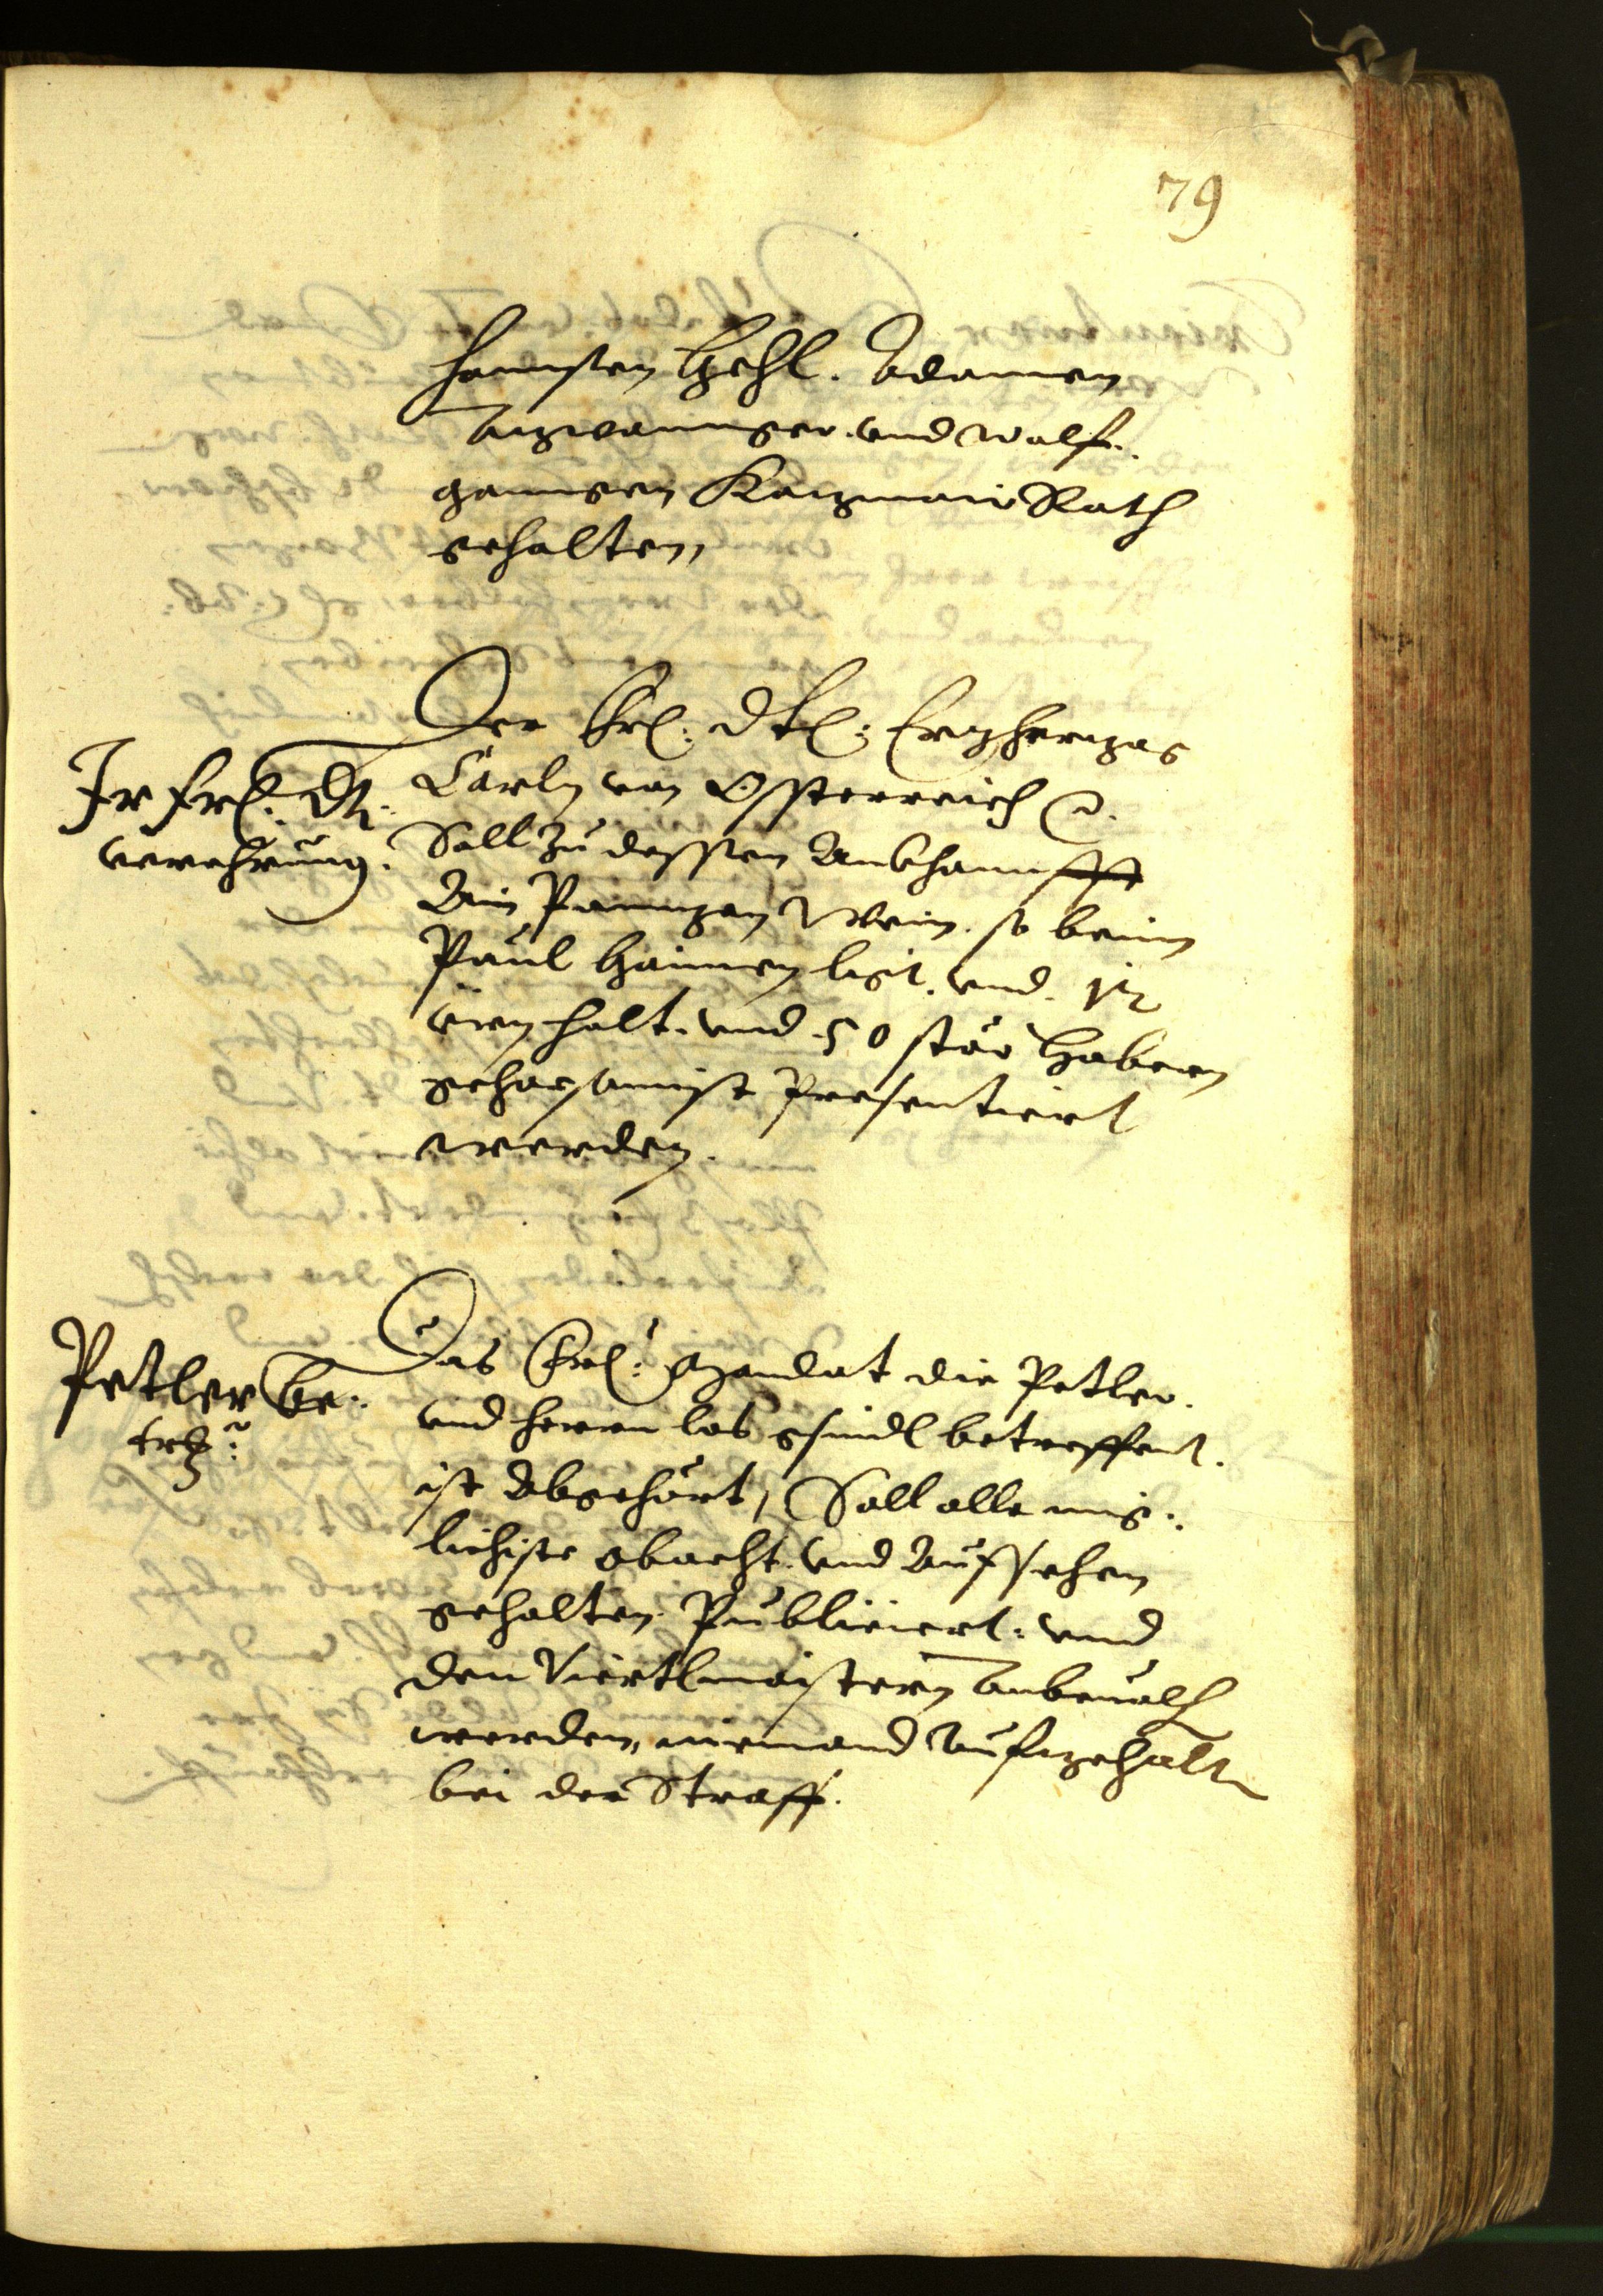79
hansen Hehl. Adamen
Azwannger. vnd Wolf-
ganngen Kazmair Rath
gehalten,
Der Frl: Dt: Erzherzog
Carln von Ossterreich etc.
Soll Zū dessen Ankhonnfft
Ain Pannzen Wein. so beim
Paūl Haimen ligt. vnd 12
vrn halt. vnd .50 stār Habern
gehorsamist Presentiert
werden.
Ir Frl: Dt:
verehrūng.
Das Frl: Mandat die Petler.
vnd herrn los gsindl betreffent.
ist Abgehōrt, Soll alle mig-
lichiste Obacht. vnd Aūfsehen
gehalten. Pūbliciert: vnd
den Viertlmaistern Anbeūolh
werden, niemand Aūfzehalt
bei der Straff.
Petler be¬
tr: